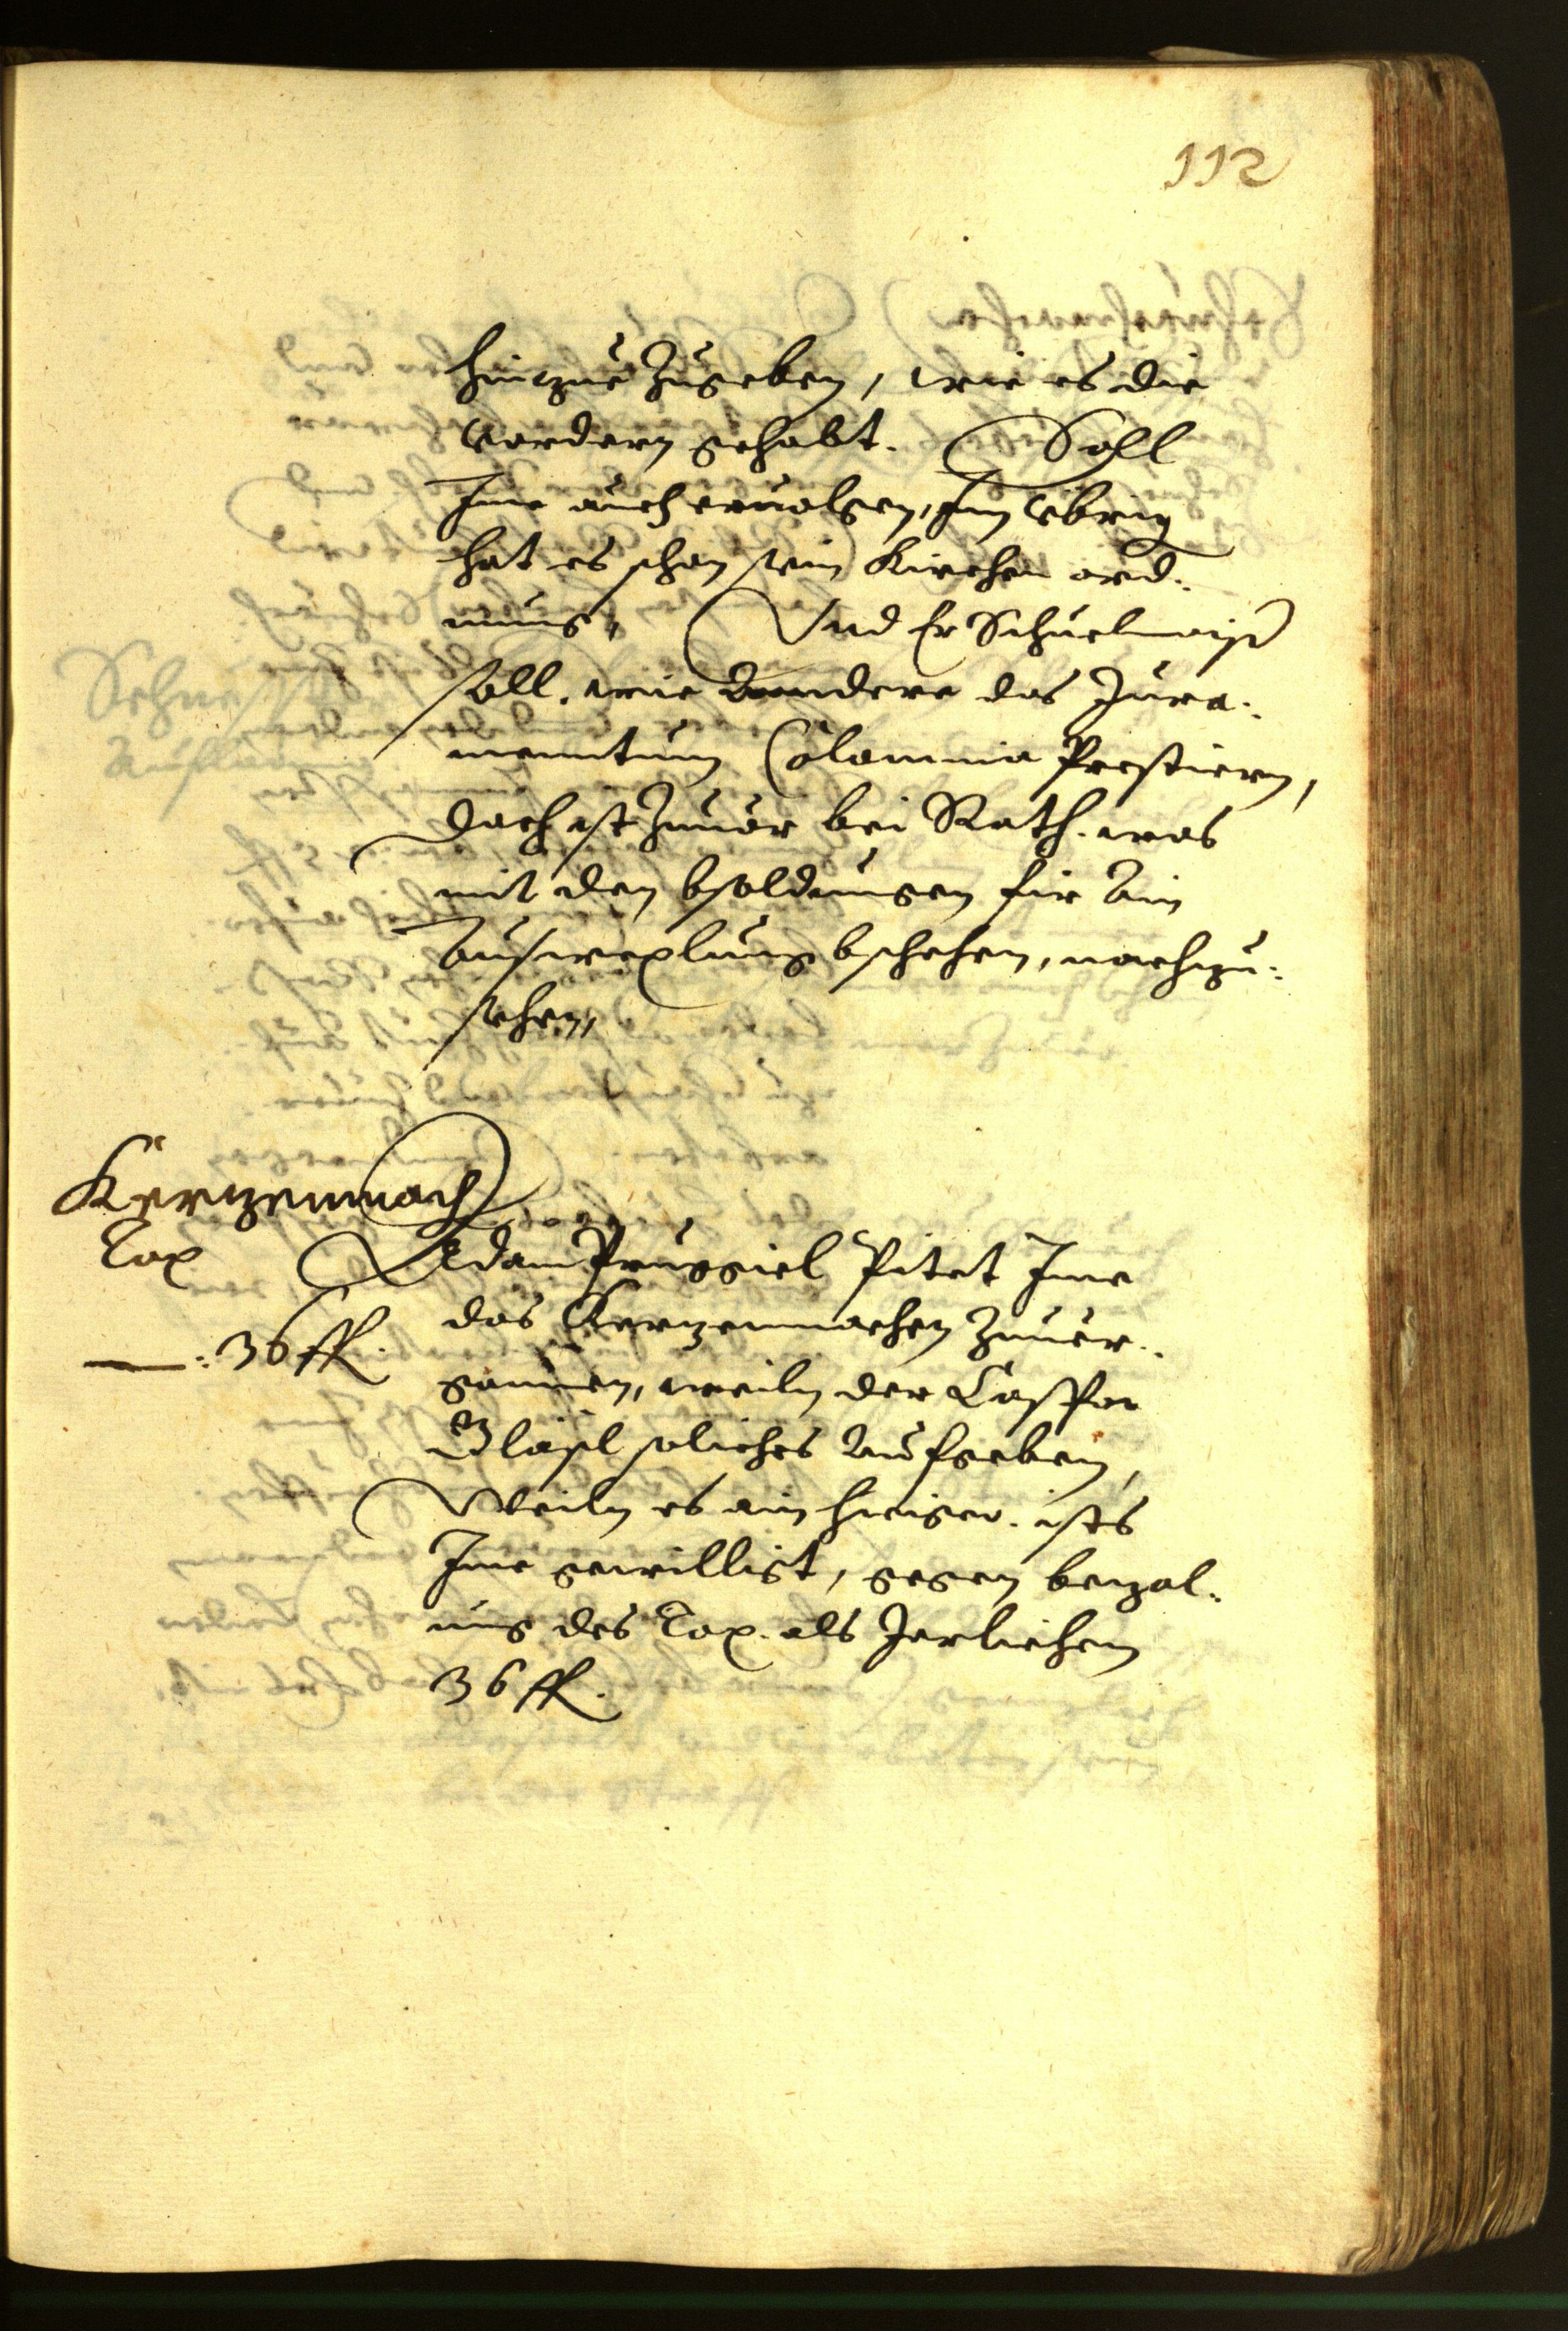112
hinzūe Zūgeben, wie es die
vordern gehabt. Soll
Ime aūch erūolgen, Im v̈brig
hat es schon sein Kirchen ord¬
nūng, Vnd Er Schūelmaist
soll. wie Anndere das Jūra¬
mentūm Colamina Prestiern,
doch ist Zūūor bei Rath. was
mit den bsoldūngen fir Ain
Aūswexlūng bschehen, nachzū¬
sehen,
Kerzenmach
Tax
—: 36 fl.
Adam Prūggiel Pitet Ime
das Kerzenmachen Zūūer¬
gonnen, weiln der Caspar
Bläsl soliches Aūfgeben,
Weiln es ain hieigen. ists
Ime gewilligt, gegen bezal¬
ūng des Tax. als Jarlichen
36 fl.